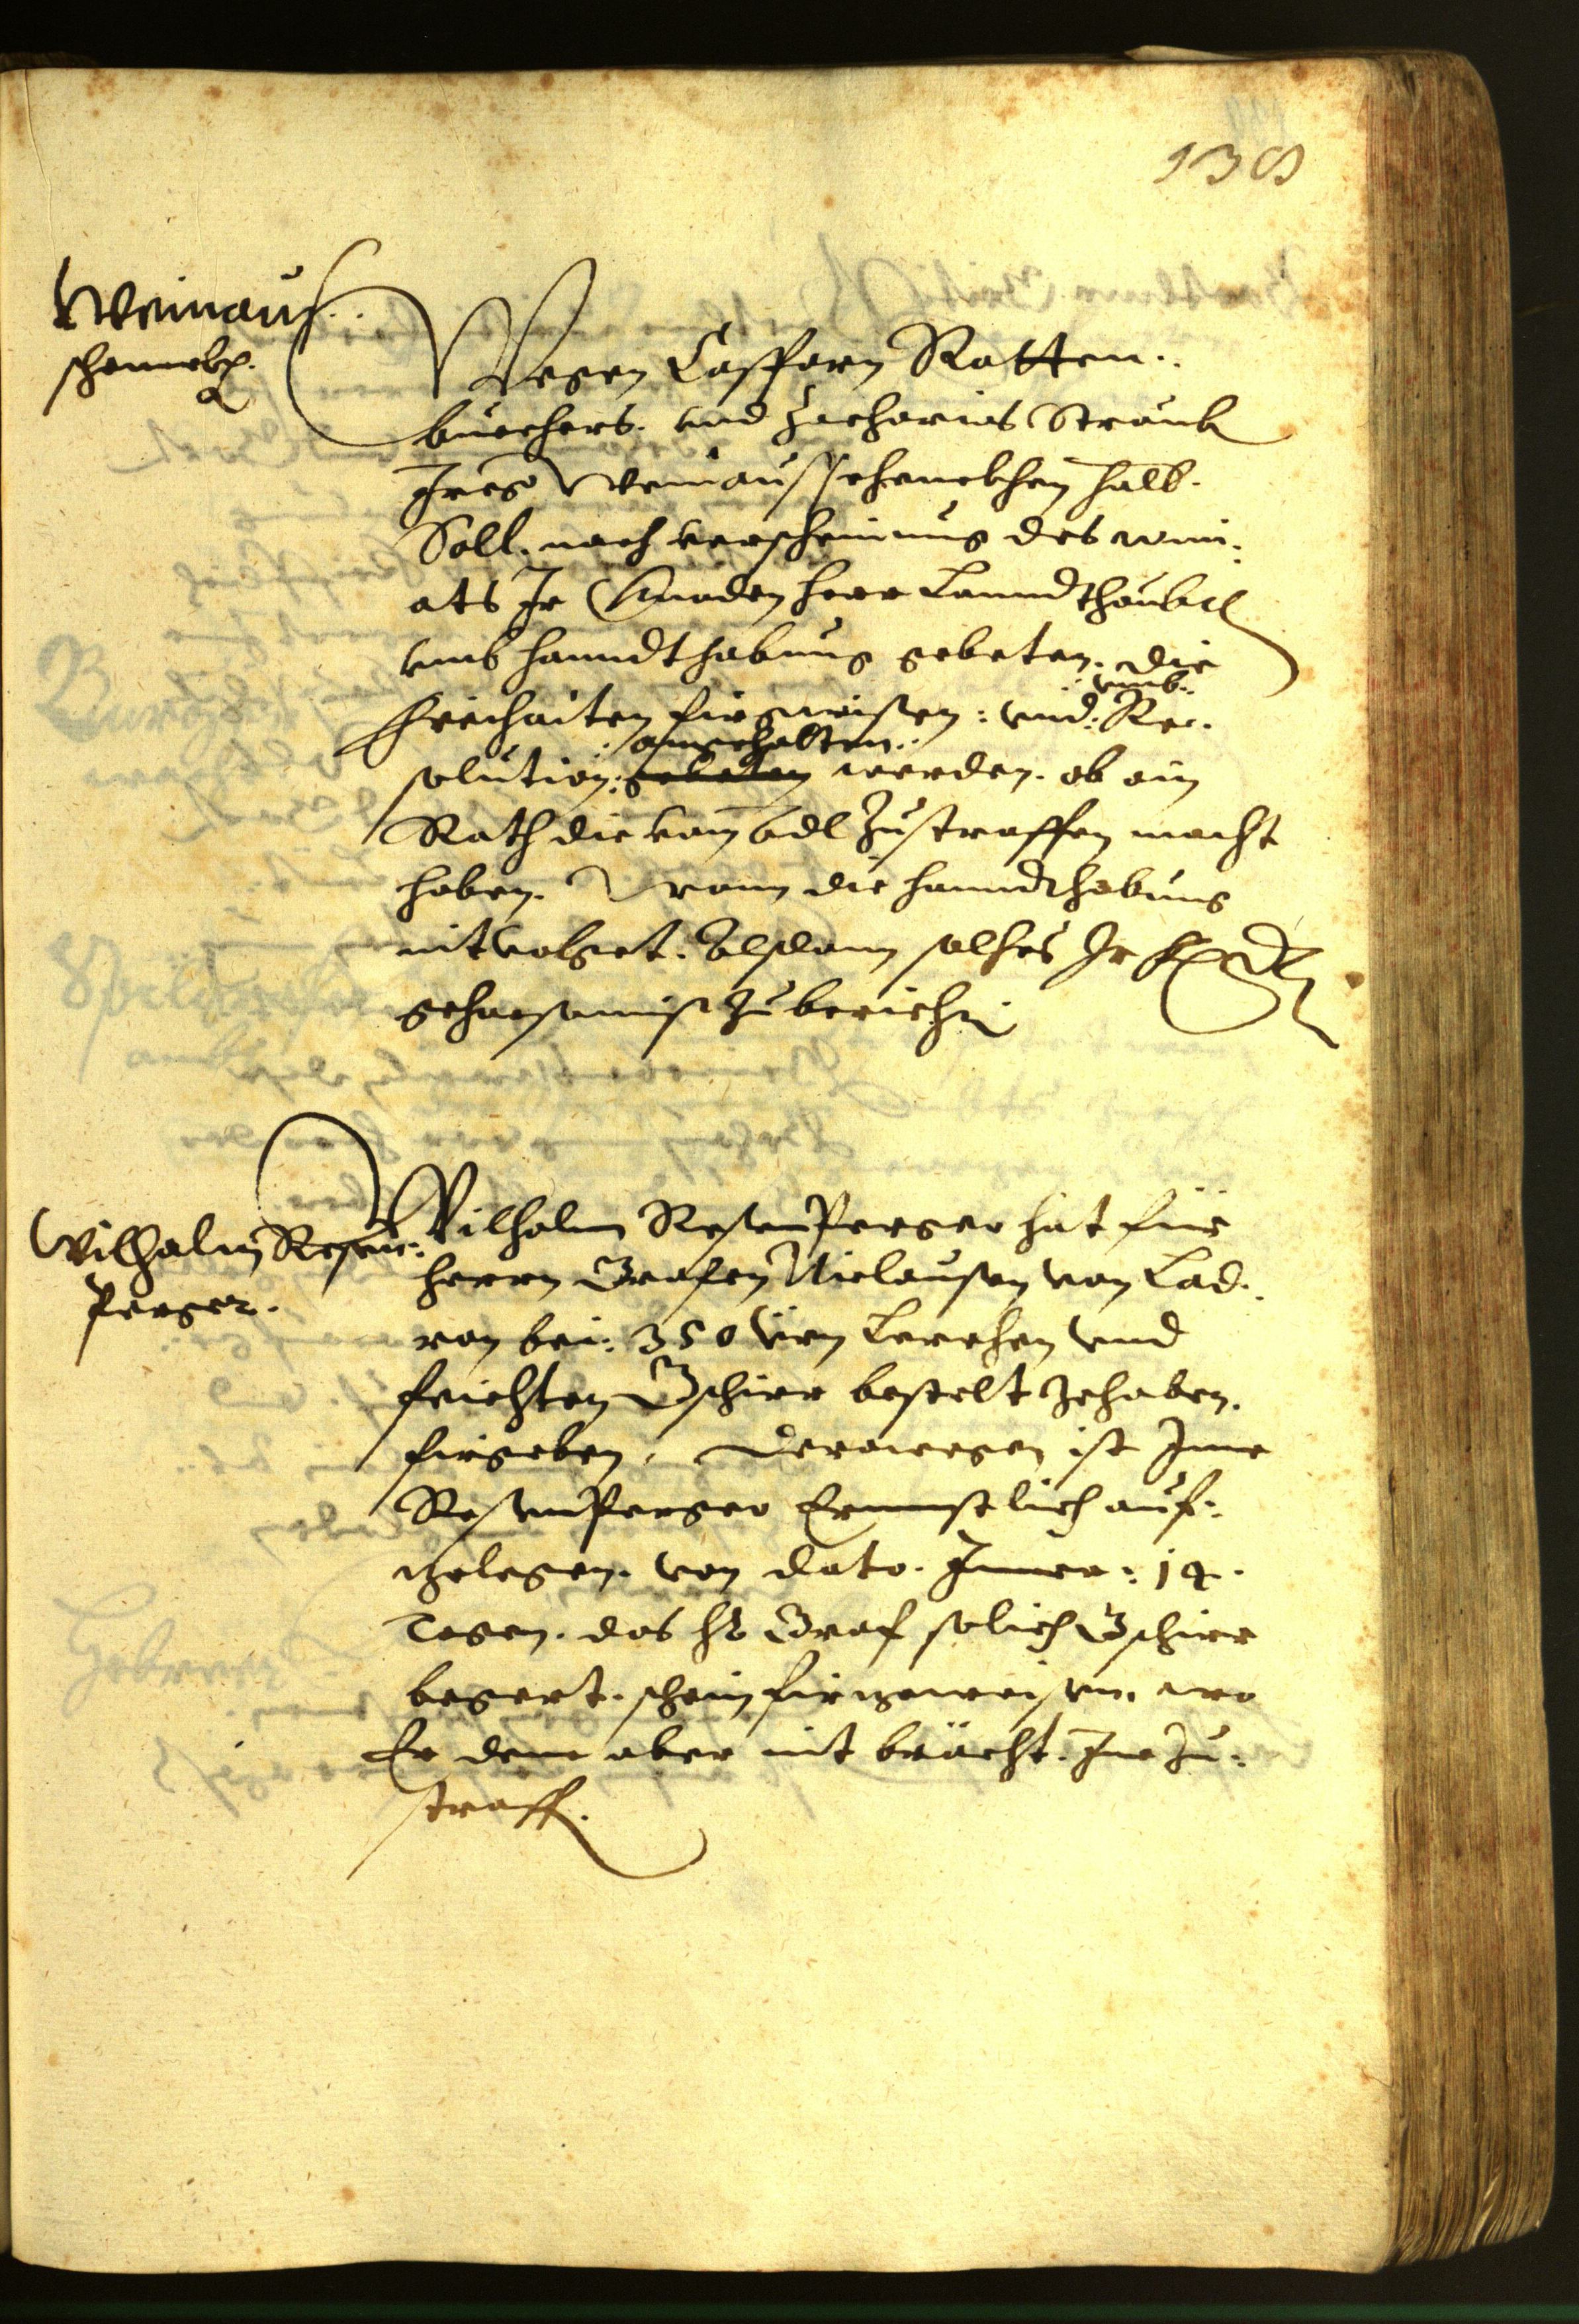138
Weinaūs¬
schennckh.
Wegen Casparn Rotten¬
būechers. vnd Zacharias Straūb
Ires Weinaūsschenckhen halb.
Soll. nach verscheinūng des wim¬
ats Ir Gnaden herr Lanndthaūbt
vmb hanndthabūng gebeten. die
:vmb:
Freihaiten fir gwisen :vnd: Re¬
:angehalten:
solūtion: gehalten werden. ob ain
Rath die vom Adl Zū straffen macht
haben. Wann die hanndthabūng
nit volget. Alsdann solhes Ir F dt
gehorsamist Zū bericht.
Wilhalm ResenPerger hat für
herrn Grafen Niclaūsen von Lod¬
ron bei: 350 v̈rn Lerchen vnd
feichten Gschirr bestelt Zehaben.
firgeben. Derowegen ist Ime
Resenperger Ernnstlich aūf¬
zelegen. von dato. Inner: 14.
Tagen. das h Graf solich Gschirr
begert. schein firzeweisen. wo
Er deme aber nit brächt. Ime Zū¬
straff.
Wilhalm Resen¬
Perger.